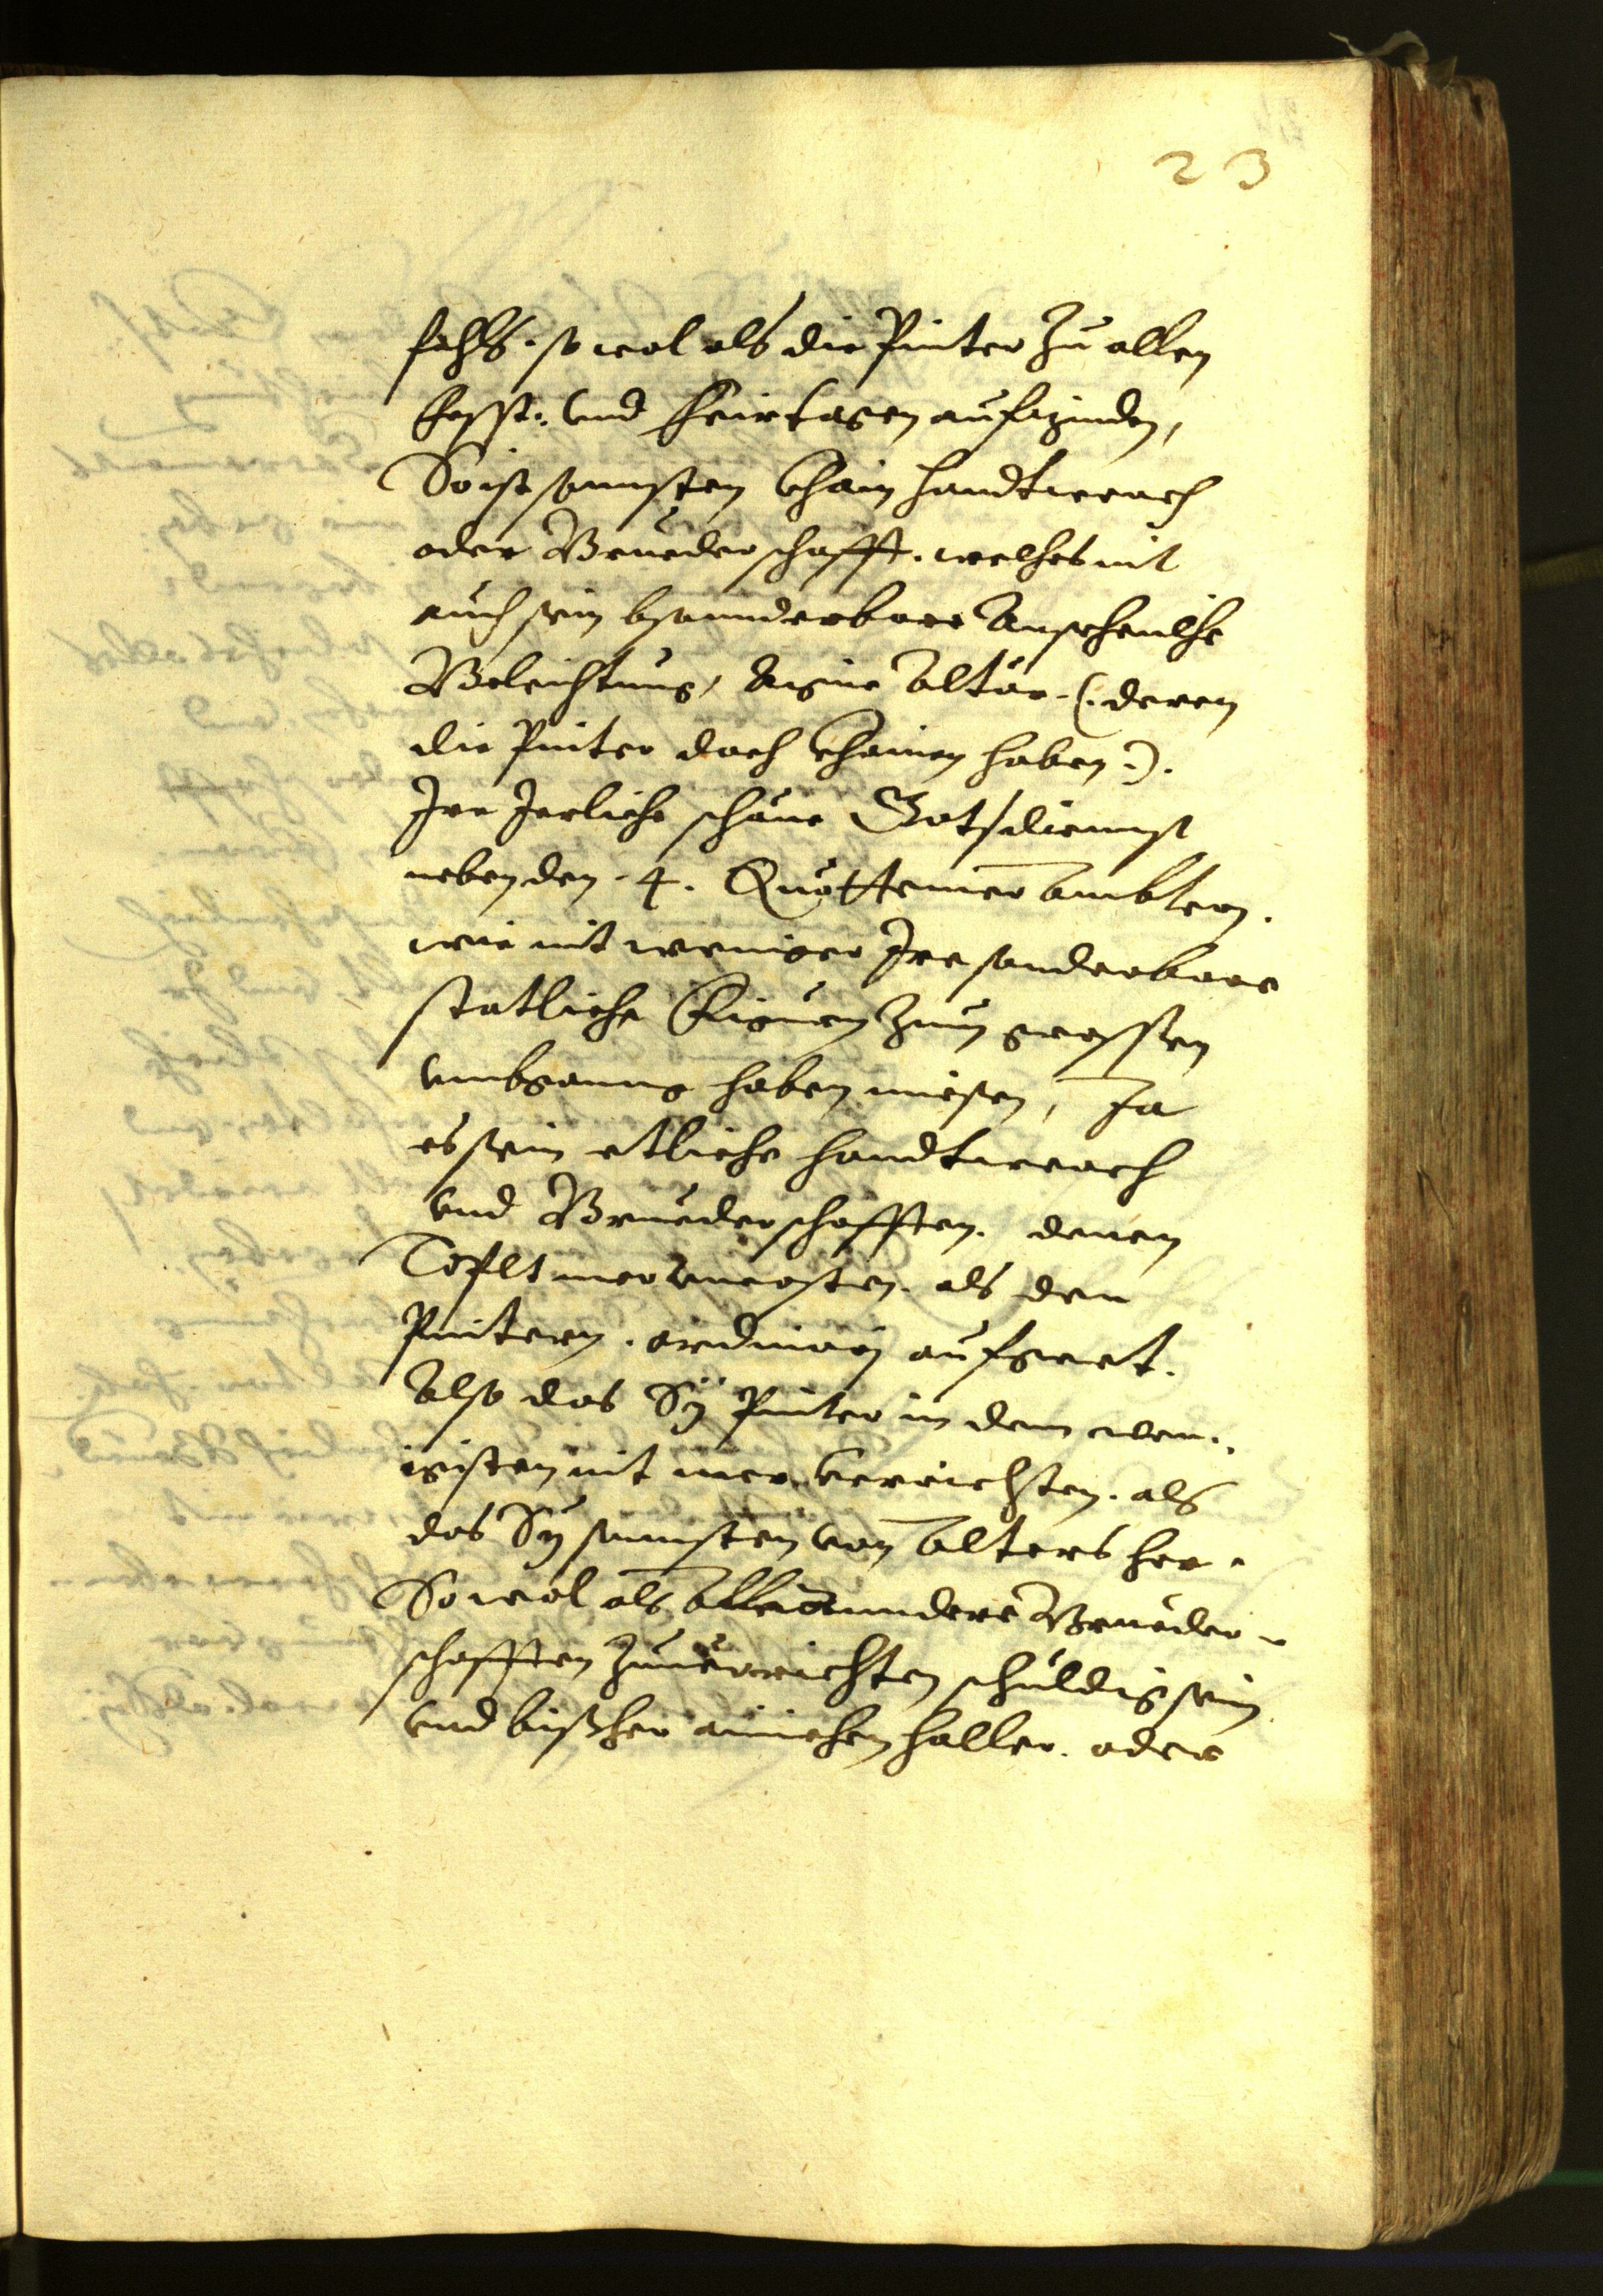23
fahls. so wol als die Pinter Zū allen
Fesst: vnd Feirtagen aūfzinden,
So ist sonnsten khain Handtwerch
oder Brūederschafft. welhes nit
aūch sein besonnderbare Ansehenlihe
Beleichtūng, Aigne Altār .(.deren
die Pinter doch khainen haben.).
Ire Jerliche schōne Gotsdienst
neben den .4. Qūattemer Ambter.
wie mit wenigen Ire sonderbare
statliche Figūren Zūm grossen
vmbganng haben miesen, Ja
Es sein etliche Handtwerch
vnd Brūederschafften. denen
ToPlt mer vncosten. als den
Pintern. ordinarj aūfgeet.
Also das Sÿ Pinter in dem wen¬
igisten nit mer verrichten. als
das Sȳ sonnsten von Alters her
So wol als Alle Anndere Brūeder¬
schafften Zūūrichten schūldig sein
vnd bißher ainichen haller. oder